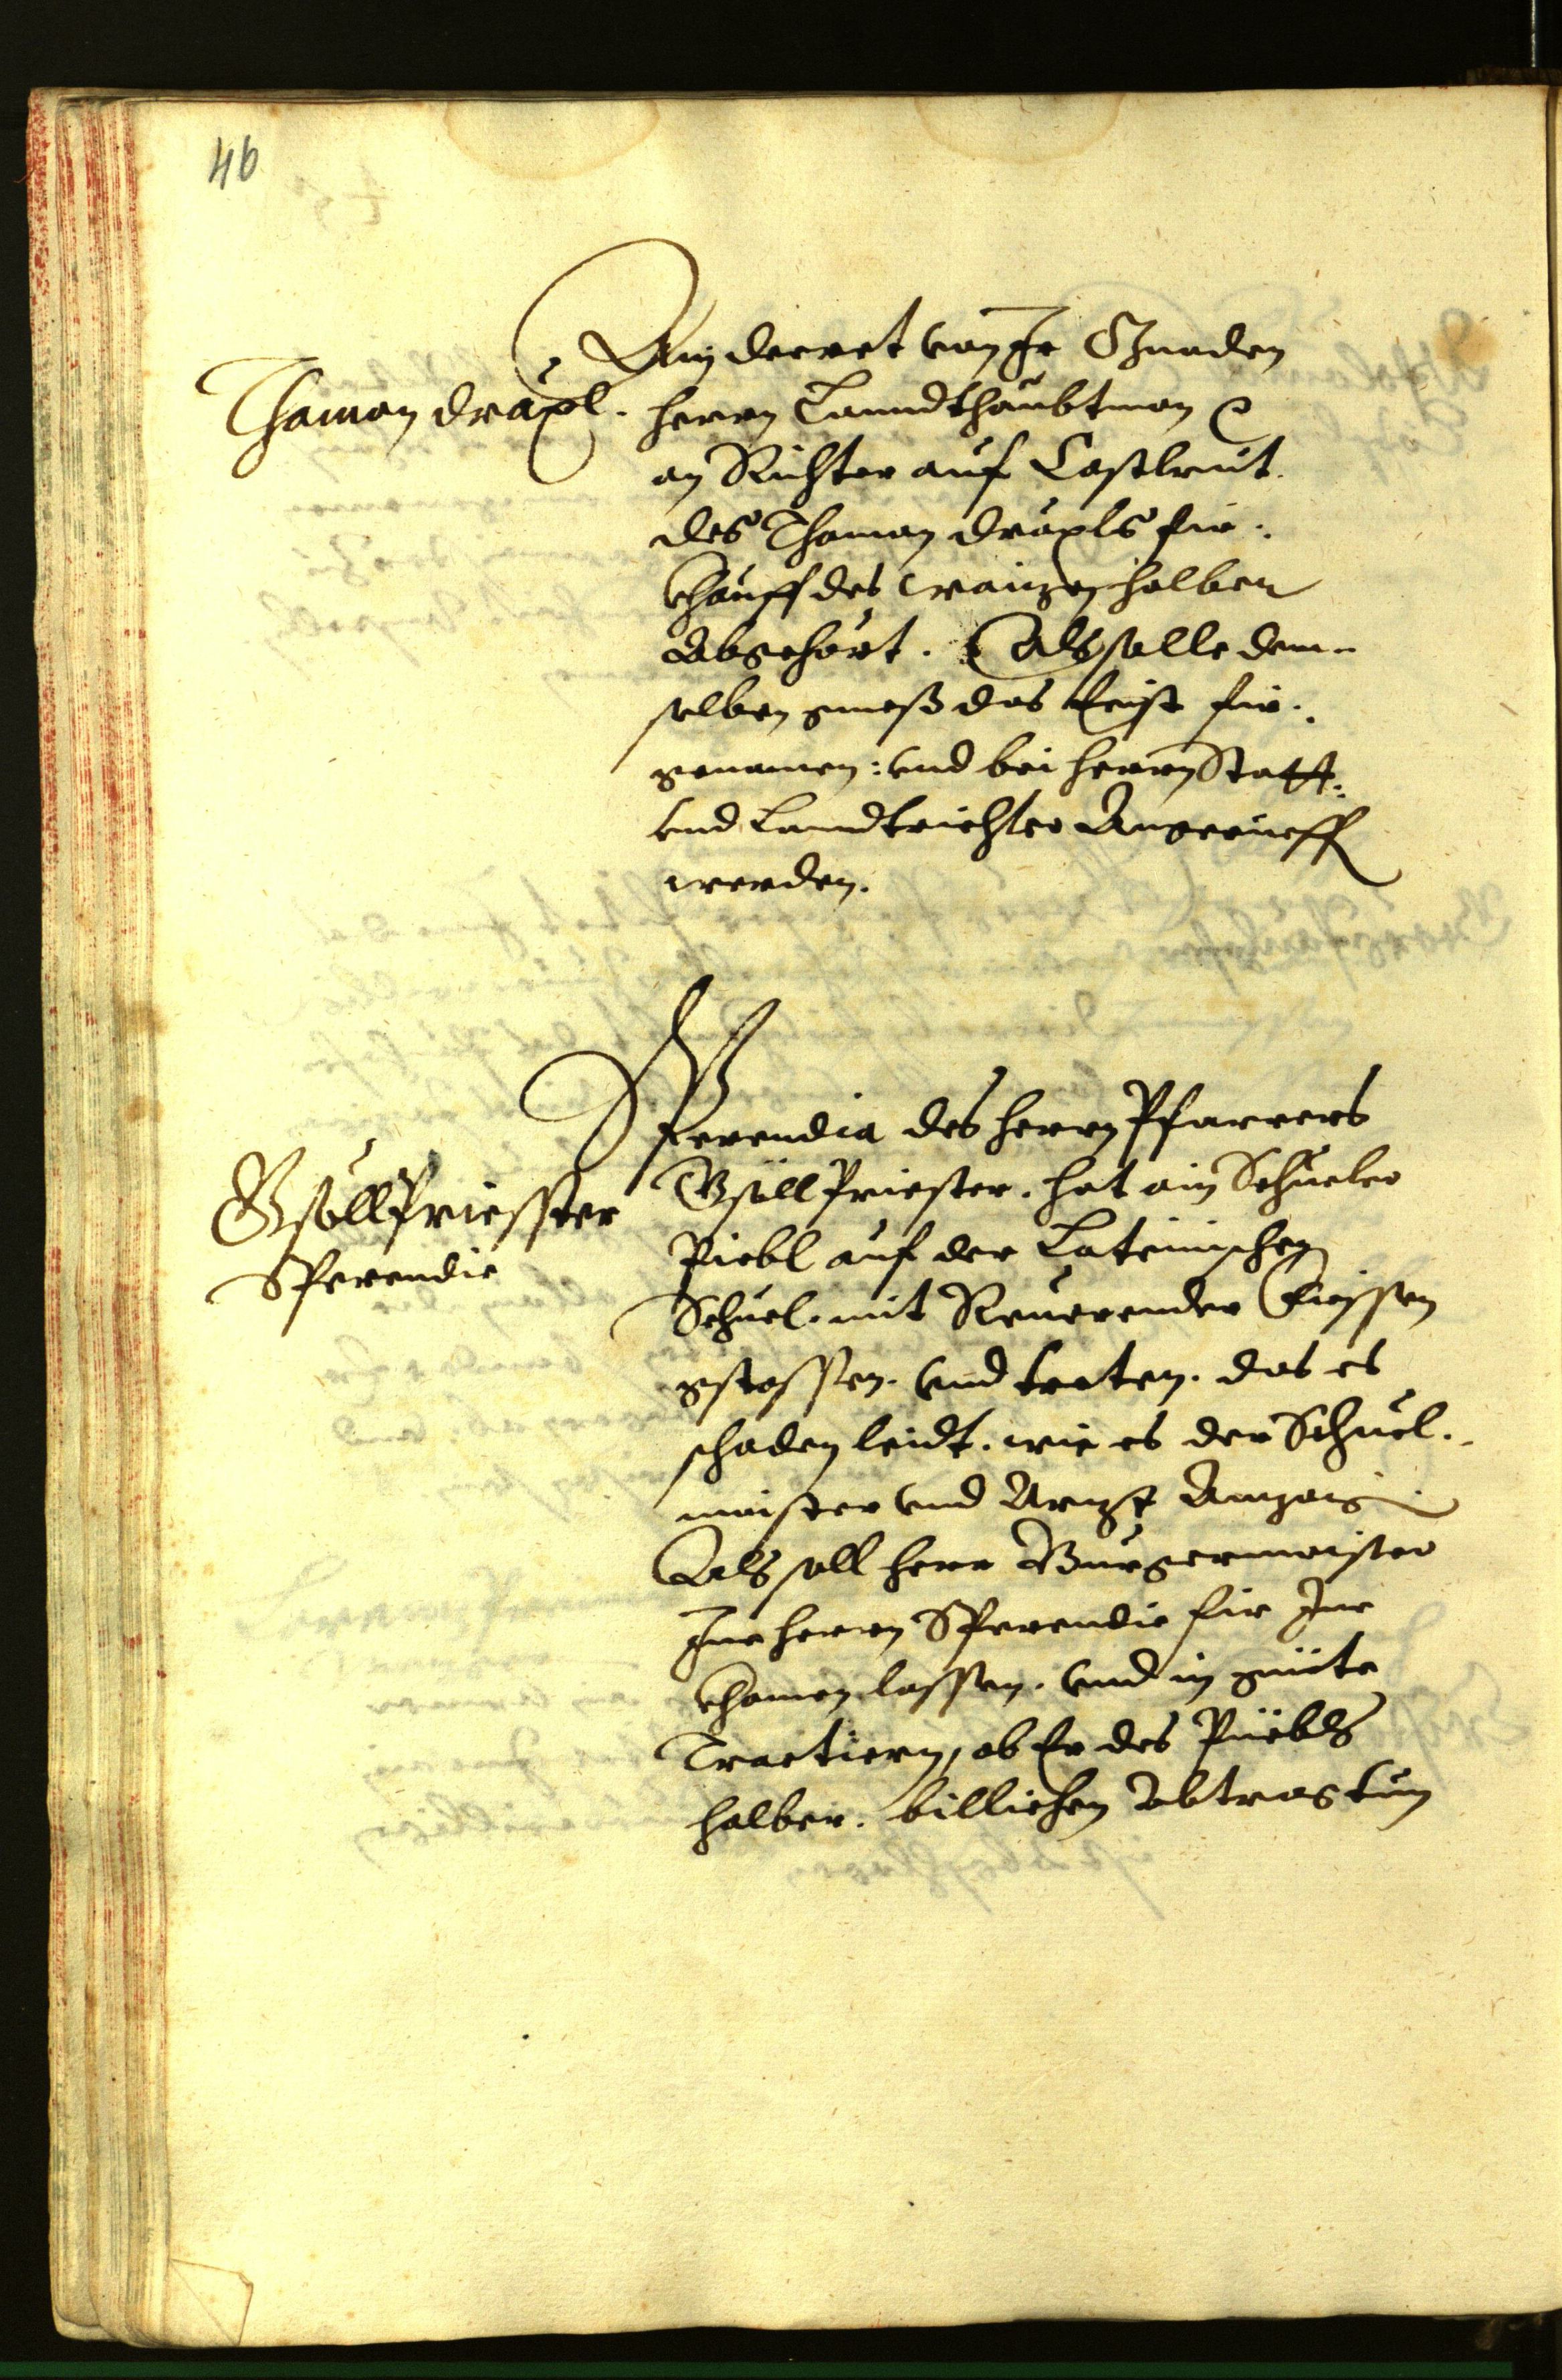46
Ain decret von Ir Gnaden
herrn Lanndthaūbtman etc.
an Richter aūf Castlrūt.
des Thoman drāxls fir¬
khaūff des Waizen halber
Abgehōrt. Als solle dem¬
selben gmeß das Eeist fir¬
genomen: vnd bei herrn Statt¬
vnd Lanndtrichter Angerūeff
werden.
Thoman drāxl.
Sperendia des herrn Pfarrers
Gsöll Priester. hat ain Schūeler
Piebl aūf der Lateinischen
Schūel. mit Reūerender Fiessen
gestossen. vnd treten. das es
Schaden leidt. wie es der Schūel¬
maister vnd Arzt Anzaig.
Als soll herr Būrgermaister
Ime herrn Sperendie fir Ime
khomen lassen. vnd in güete
Tractiern, ob Er des Püebls
halber. billichen Abtrag tūn
Gsōll Priesster
Sperendie